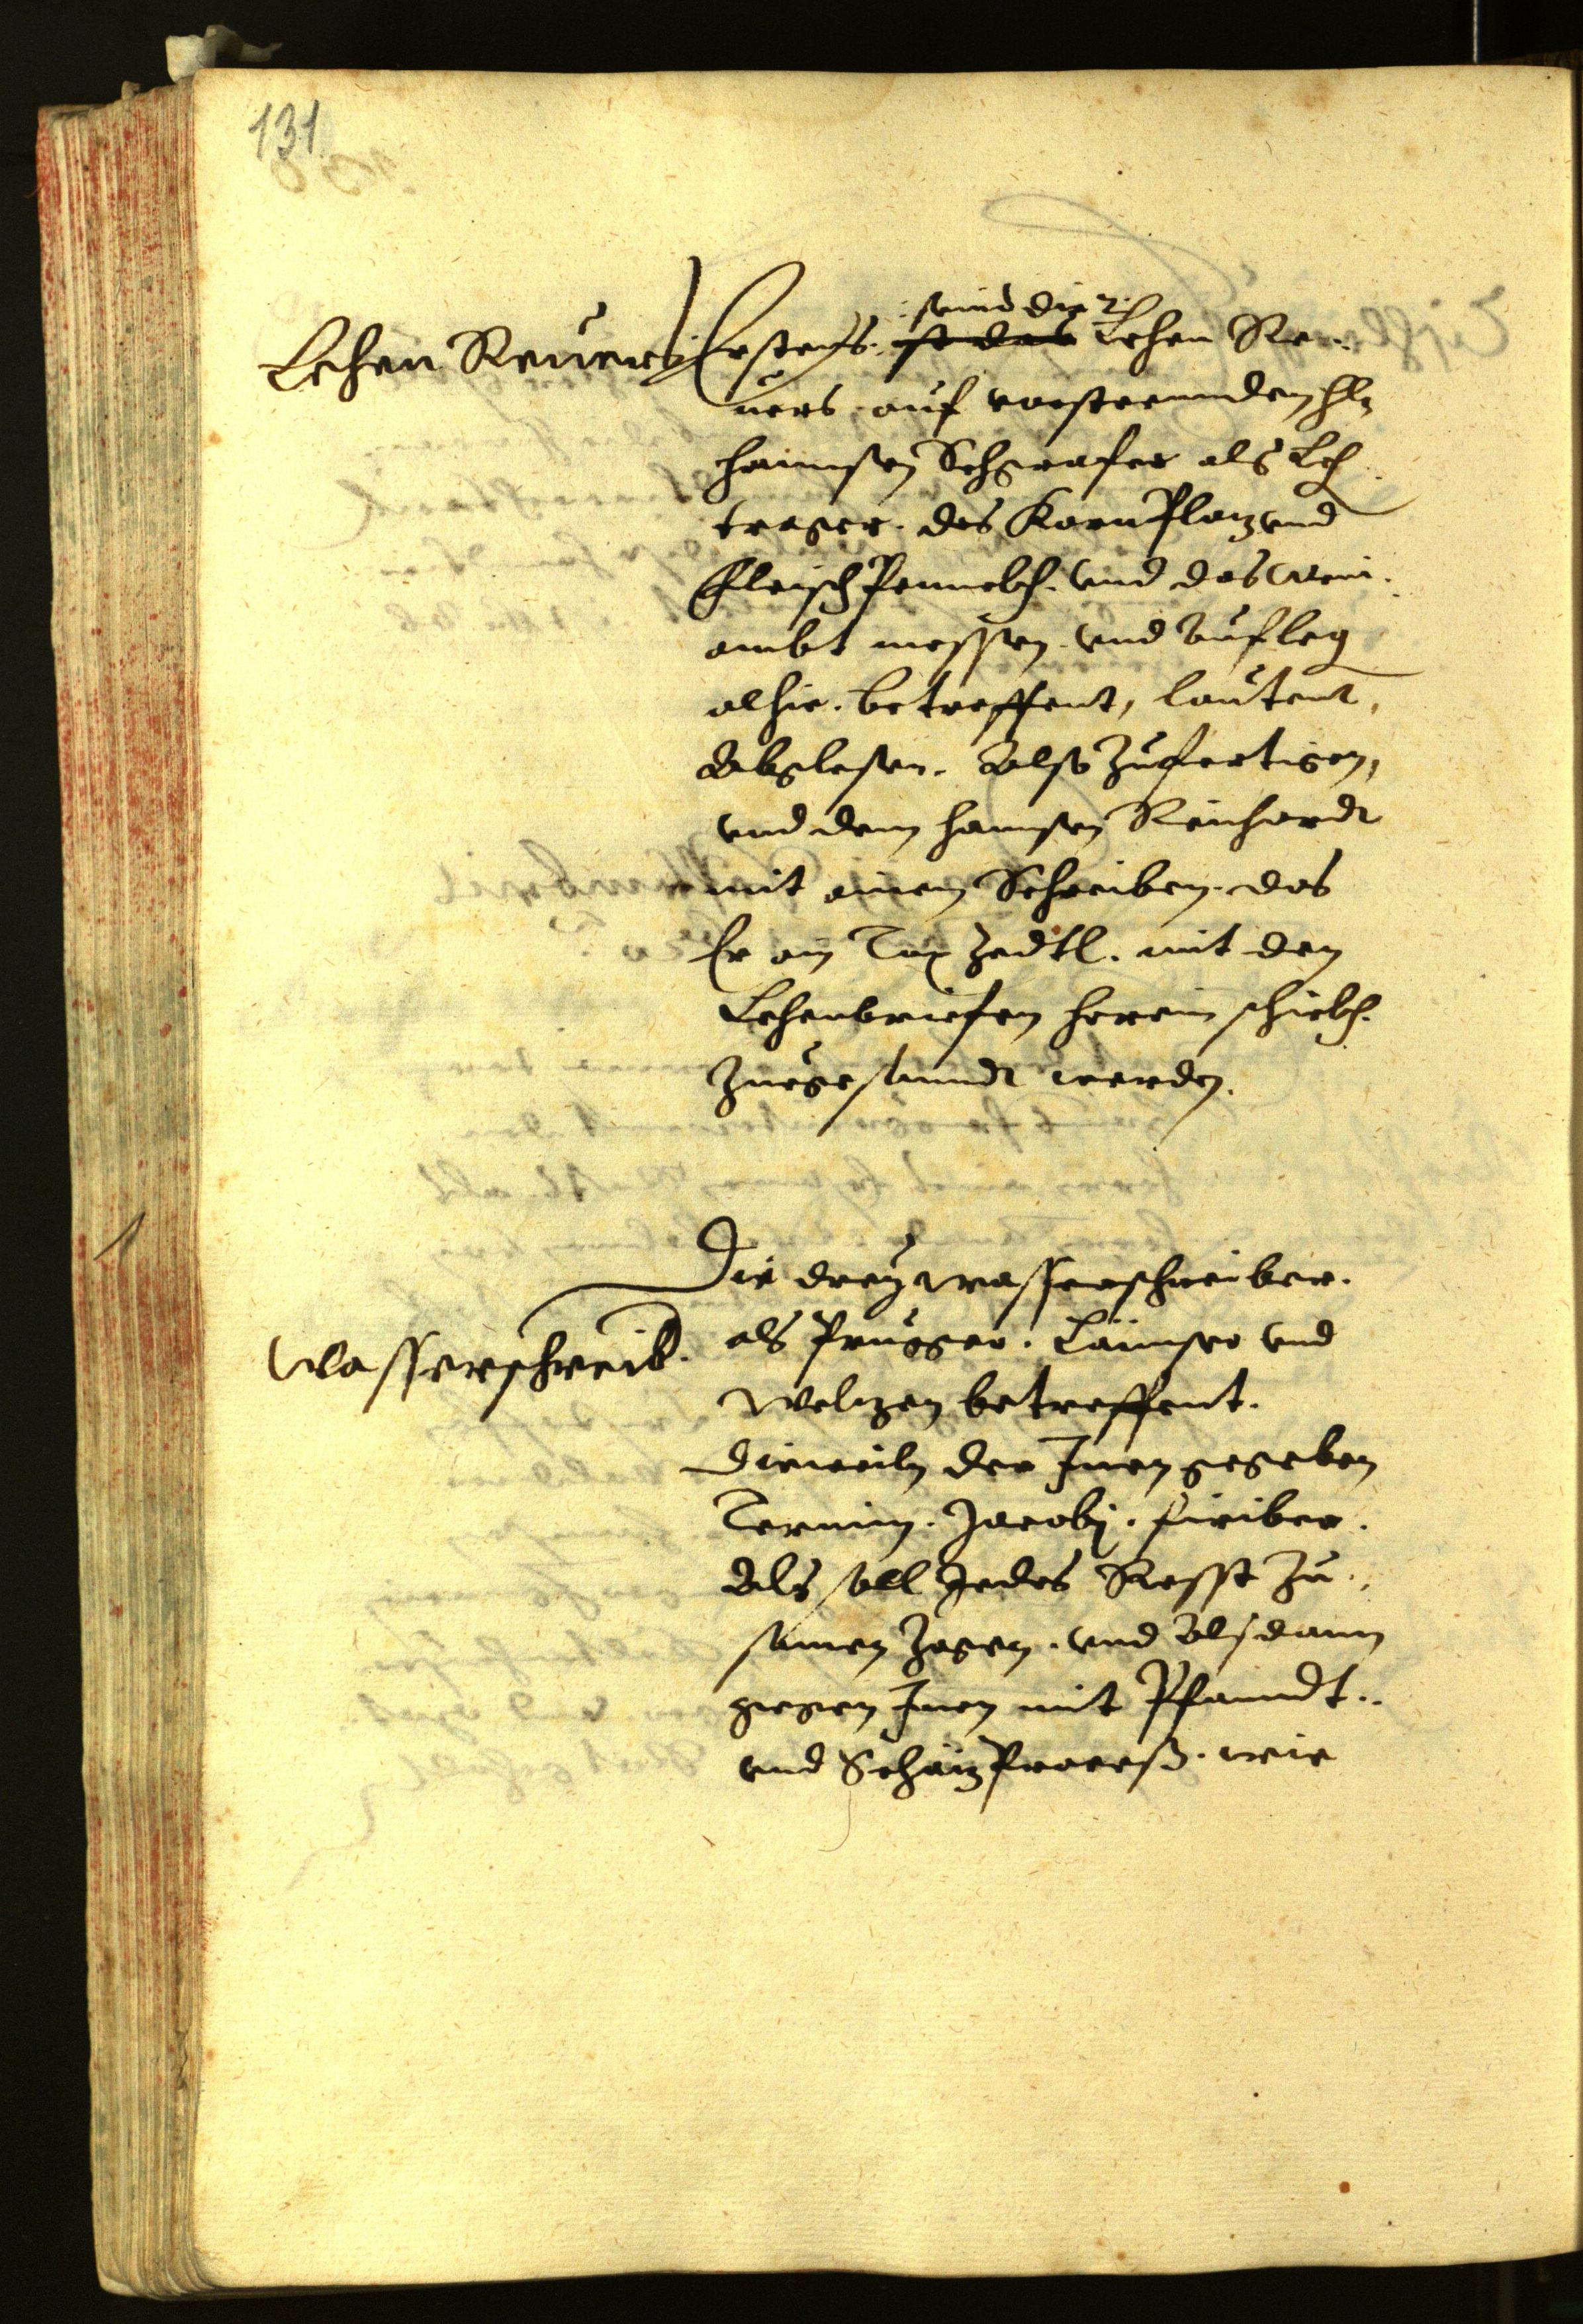131
:seind die 2:
Erstens sonders Lehen Re¬
ūers aūf vorsteenden hln
hannsen Schgrafer als Leh¬
trager. des Korn Plaz vnd
Fleisch Pennckh. vnd das Wein¬
ambt messen. vnd Aūfleg
alhie. betreffent, laūtent
Abglesen. Also Zūfertigen,
vnd dem hannsen Reichardt
mit ainem Schreiben. das
Er an Tax Zedtl. mit den
Lehenbriefen herein schickh.
Zūegesanndt werden.
Lehen Reūers.
Die dreȳ wasserschreiber.
als Prūgger. Lännser vnd
Welzen betreffent.
Dieweiln der Inen gegeben
Termin. Jacobj. firiber.
Als soll Jedes Resst Zū¬
samen Zogen. vnd Alsdann
gegen Inen mit Pfanndt¬
vnd Schäz Proceß. wie
Wasserschreib.